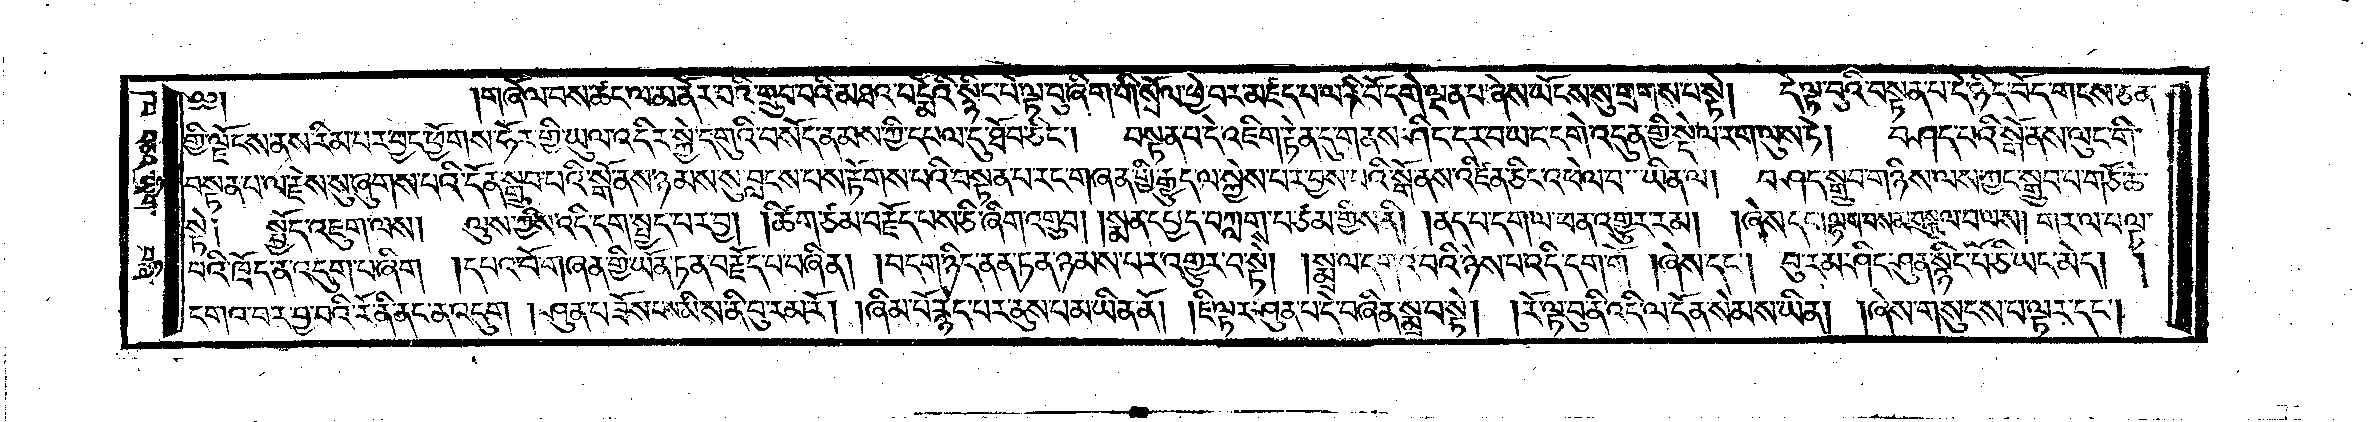༄༅། །གཞོལ་བས་ཚང་ལ་མ་ནོར་བའི་གྲུབ་པའི་མཐའ་པདམོའི་སྙིང་པོ་ལྟ་བུ་ཞིག་གི་སྲོལ་ཕྱེ་བར་མཛད་པ་ལ་རི་པོ་དགེ་ལྡན་པ་ཞེས་ཡོངས་སུ་གྲགས་པ་སྟེ། དེ་ལྟ་བུའི་བསྟན་པ་དེ་ཉིད་བོད་གངས་ཅན་
གྱི་ལྗོངས་ནས་རིམ་པར་བྱང་ཕྱོགས་ཧོར་གྱི་ཡུལ་འདིར་སྐྱེ་དགུའི་བསོད་ནམས་ཀྱི་དཔལ་དུ་ཐོབ་ཅིང་། བསྟན་པ་དེ་འཇིག་རྟེན་དུ་གནས་ཤིང་དར་བ་ཡང་དགེ་འདུན་གྱི་སྡེ་ལ་རག་ལུས་ཏེ། བཤད་པའི་སྒོ་ནས་ལུང་གི་
བསྟན་པ་ལ་རྗེས་སུ་ཞུགས་པའི་དོན་སྒྲུབ་པའི་སྒོ་ནས་ཉམས་སུ་བླངས་པས་རྟོགས་པའི་བསྟན་པ་རང་གཞན་གྱི་རྒྱུད་ལ་སྐྱེས་པར་བྱས་པའི་སྒོ་ནས་འཛིན་ཅིང་འཕེལ་བ་ཡིན་ལ། བཤད་སྒྲུབ་གཉིས་ལས་ཀྱང་སྒྲུབ་པ་གཙོ་ཆེ་
སྟེ༑ སྤྱོད་འཇུག་ལས། ལུས་ཀྱིས་འདི་དག་སྤྱད་པར་བྱ། །ཚིག་ཙམ་བརྗོད་པས་ཅི་ཞིག་འགྲུབ། །སྨན་དཔྱད་བཀླགས་པ་ཙམ་གྱིས་ནི། །ནད་པ་དག་ཡ་ཕན་འགྱུར་རམ། །ཞེས་དང་། ལྷག་བསམ་བསྐུལ་བ་ལས། གར་ལ་བལྟ་
པའི་ཁྲོད་ན་འདུག་པ་ཞིག །དཔའ་བོ་གཞན་གྱི་ཡོན་ཏན་བརྗོད་པ་བཞིན། །བདག་ཉིད་ནན་ཏན་ཉམས་པར་འགྱུར་བ་སྟེ། །སྨྲ་ལ་དགའ་བའི་ཉེས་པ་འདི་དག་གོ །ཞེས་དང་། བུ་རམ་ཤིང་ཤུན་སྙིང་པོ་ཅི་ཡང་མེད། །
དགའ་བར་བྱ་བའི་རོ་ནི་ནང་ན་འདུག །ཤུན་པ་ཟོས་པས་ཡིས་ནི་བུ་རམ་རོ། །ཞིམ་པོ་རྙེད་པར་ནུས་པ་མ་ཡིན་ནོ། །ཇི་ལྟར་ཤུན་པ་དེ་བཞིན་སྨྲ་བ་སྟེ། །རོ་ལྟ་བུ་ནི་འདི་ལ་དོན་སེམས་ཡིན། །ཞེས་གསུངས་པ་ལྟར་དང་།